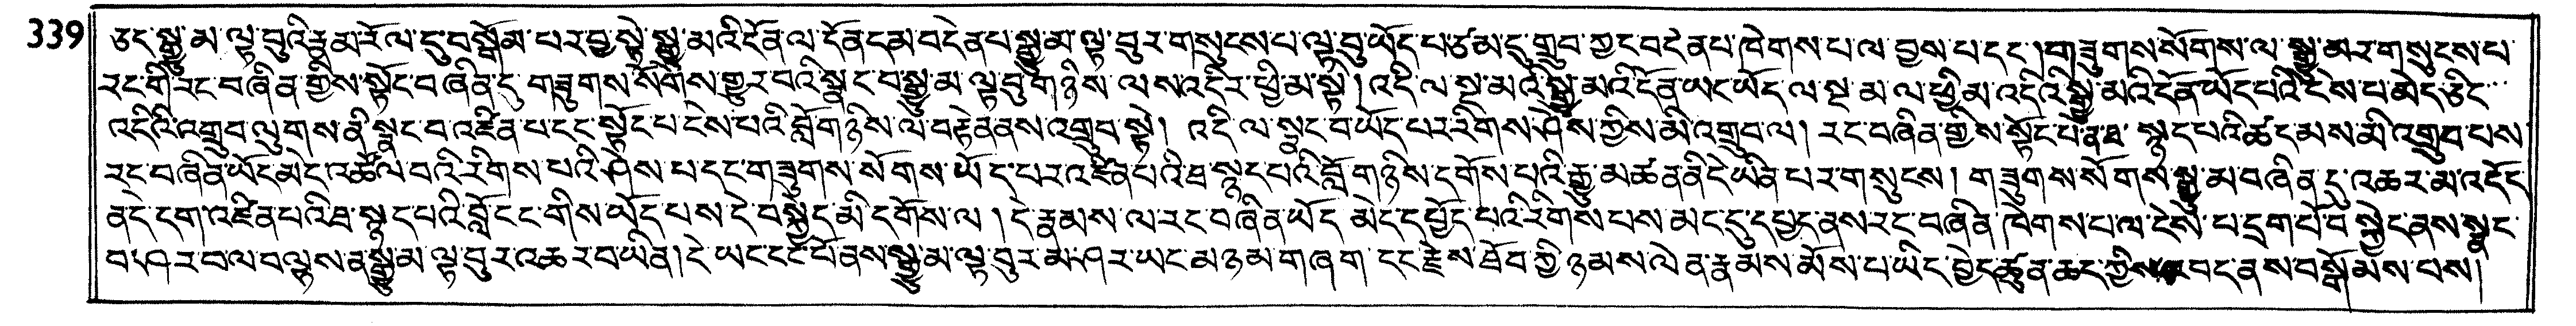ཅད་སྒྱུ་མ་ལྟ་བུའི་རྣམ་རོལ་དུ་བསྒོམ་པར་བྱ་སྟེ་སྒྱུ་མའི་དོན་ལ་དོན་དམ་བདེན་པ་སྒྱུ་མ་ལྟ་བུར་གསུངས་པ་ལྟ་བུ་ཡོད་པ་ཙམ་དུ་གྲུབ་ཀྱང་བདེན་པ་ཁེགས་པ་ལ་བྱས་པ་དང་། གཟུགས་སོགས་ལ་སྒྱུ་མར་གསུངས་པ་
རང་གི་རང་བཞིན་གྱིས་སྟོང་བཞིན་དུ་གཟུགས་སོགས་གྱུར་བའི་སྣང་བ་སྒྱུ་མ་ལྟ་བུ་གཉིས་ལས་འདིར་ཕྱི་མ་སྟེ། འདི་ལ་སྔ་མའི་སྒྱུ་མའི་དོན་ཡང་ཡོད་ལ་སྔ་མ་ལ་ཕྱི་མ་འདིའི་སྒྱུ་མའི་དོན་ཡོད་པའི་ངེས་པ་མེད་ཅིང་
འདིའི་འགྲུབ་ལུགས་ནི་སྣང་བ་འཛིན་པ་དང་སྟོང་པ་ངེས་པའི་བློ་གཉིས་ལ་བརྟེན་ནས་འགྲུབ་སྟེ། འདི་ལ་སྣང་བ་ཡོད་པར་རིགས་ཤེས་ཀྱིས་མི་འགྲུབ་ལ། རང་བཞིན་གྱིས་སྟོང་པ་ན་ཐ་སྙད་པའི་ཚད་མས་མི་འགྲུབ་པས་
རང་བཞིན་ཡོད་མེད་འཚོལ་བའི་རིགས་པའི་ཤེས་པ་དང་གཟུགས་སོགས་ཡོད་པར་འཛིན་པའི་ཐ་སྙད་པའི་བློ་གཉིས་དགོས་པའི་རྒྱུ་མཚན་ནི་དེ་ཡིན་པར་གསུངས། གཟུགས་སོགས་སྒྱུ་མ་བཞིན་དུ་འཆར་མ་འདོད་
ན་དེ་དག་འཛིན་པའི་ཐ་སྙད་པའི་བློ་ངང་གིས་ཡོད་པས་དེ་བསྐྱེད་མི་དགོས་ལ། དེ་རྣམས་ལ་རང་བཞིན་ཡོད་མེད་དཔྱོད་པའི་རིགས་པས་མང་དུ་དཔྱད་ནས་རང་བཞིན་ཁེགས་པ་ལ་ངེས་པ་དྲག་པོ་བསྐྱེད་ནས་སྣང་
བ་ཤར་བ་ལ་བལྟས་ན་སྒྱུ་མ་ལྟ་བུར་འཆར་བ་ཡིན། དེ་ཡང་དང་པོ་ནས་སྒྱུ་མ་ལྟ་བུར་མ་ཤར་ཡང་མཉམ་གཞག་དང་རྗེས་ཐོབ་ཀྱི་ཉམས་ལེན་རྣམས་མོས་པ་ཡིད་བྱེད་ཚུན་ཆད་ཀྱིས་འབད་ནས་བསྒོམས་པས།